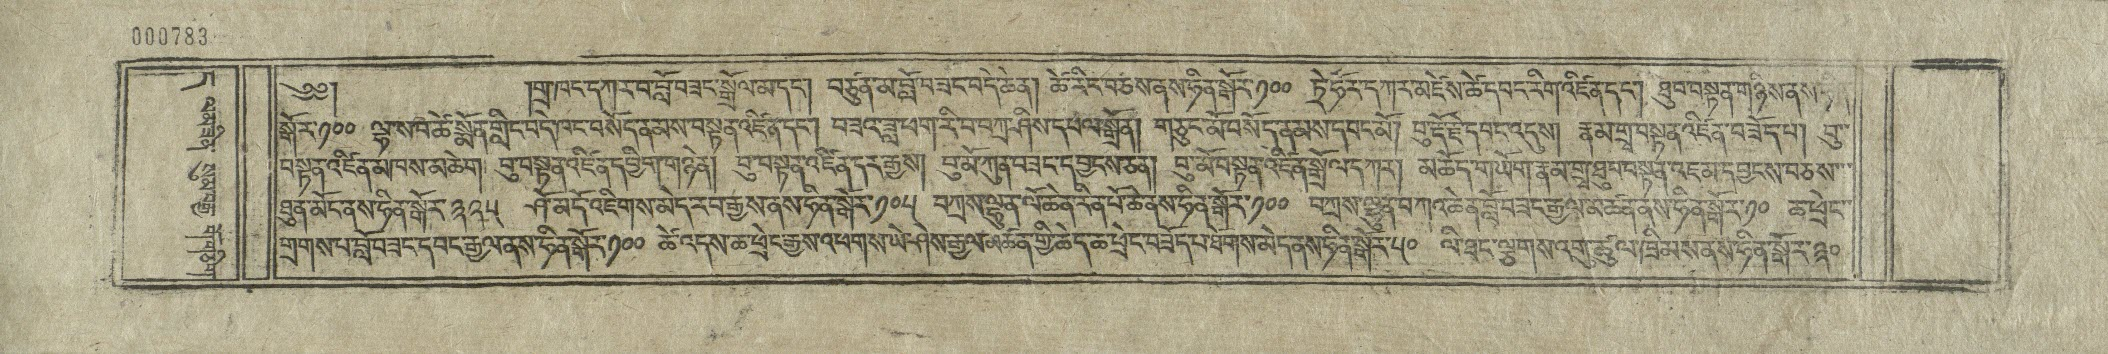༄༅། །གྲ་ཁང་དཀར་བ་བློ་བཟང་སྒྲོལ་མ་དང་། བཙུན་མ་བློ་བཟང་བདེ་ཆེན། ཚེ་རིང་བཅས་ནས་ཧིན་སྒོར ༡༠༠་ཏྲེ་ཧོར་དཀར་མཛེས་ཚེ་དབང་རིག་འཛིན་དང་། ཐུབ་བསྟན་གཉིས་ནས་ཧིན་
སྒོར ༡༠༠་ལྷ་ས་བ་ཚེ་སྨོན་གླིང་བདེ་ཁང་བསོད་ནམས་བསྟན་འཛིན་དང་། བཟའ་ཟླ་ཕག་རི་བ་བཀྲ་ཤིས་དཔལ་སྒྲོན། གཅུང་མོ་བསོད་ནམས་དབང་མོ། བུ་རྡོ་རྗེ་དབང་འདུས། རྣམ་གྲྭ་བསྟན་འཛིན་བཟོད་པ། བུ་
བསྟན་འཛིན་མཁས་མཆོག་?་བུ་བསྟན་འཛིན་དབྱིག་གཉེན། བུ་བསྟན་འཛིན་དར་རྒྱས། བུ་མོ་ཀུན་བཟང་དབྱངས་ཅན། བུ་མོ་བསྟན་འཛིན་སྒྲོལ་དཀར། མཆོད་གཡོག་རྣམ་གྲྭ་ཐུབ་བསྟན་འཇམ་དབྱངས་བཅས་
ཐུན་མོང་ནས་ཧིན་སྒོར ༣༢༥་ཤོ་མདོ་འཇིགས་མེད་རབ་རྒྱས་ནས་ཧིན་སྒོར ༡༠༥་བཀྲས་ལྷུན་ལོ་ཆེན་རིན་པོ་ཆེ་ནས་ཧིན་སྒོར ༡༠༠་བཀྲས་ལྷུན་བཀའ་ཆེན་བློ་བཟང་རྒྱལ་མཚན་ནས་ཧིན་སྒོར ༡༠་ཆ་ཕྲེང་
གྲགས་པ་བློ་བཟང་དབང་རྒྱལ་ནས་ཧིན་སྒོར ༡༠༠་ཚེ་འདས་ཆ་ཕྲེང་རྒྱས་འཕགས་ཡེ་ཤེས་རྒྱལ་མཚན་གྱི་ཆེད་ཆ་ཕྲེང་བཟོད་པ་ཐོགས་མེད་ནས་ཧིན་སྒོར ༥༠་ལི་ཐང་ལྕགས་འགུ་ཚུལ་ཁྲིམས་ནས་ཧིན་སྒོར ༣༠